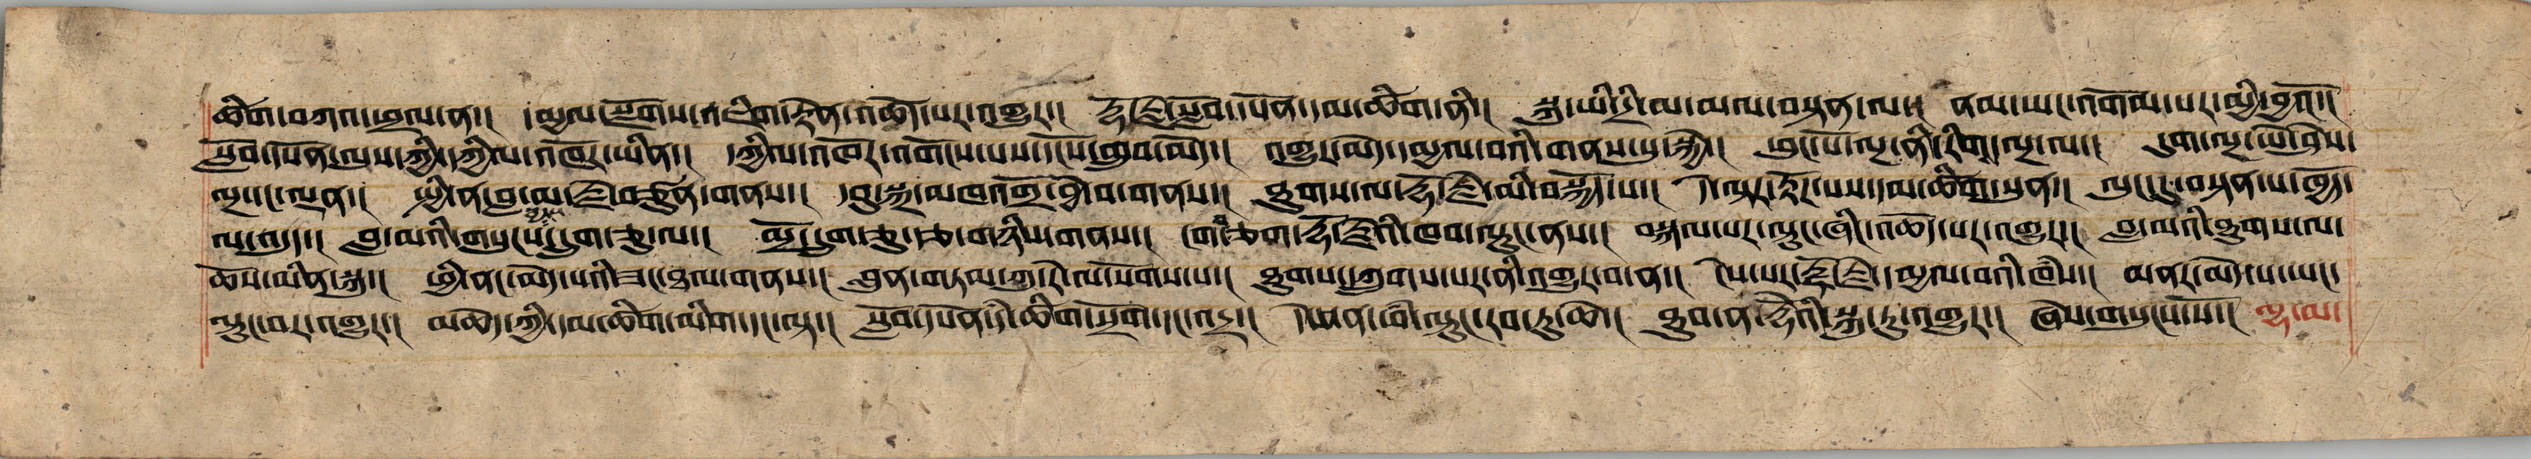ཚིག་བཀའ་ཕྲལ་ན་། དམྱལ་སྫོགས་འཇིག་རྟེན་འཆོད་པར་འགྱུར་། རྡོ་རྗེ་སློབ་དཔོན་དམ་ཚིག་ནི་། སྐུ་ཡི་དྲི་མ་མལ་བསྟན་ལ་། ནམ་ཡང་འགོམ་པར་མྱི་བྱའོ་།
སློབ་དཔོན་ལུས་ཀྱི་དཀྱིལ་འཁོར་ཡིན་། དཀྱིལ་འཁོར་འགོངས་པས་དངོས་གྲུབ་མེད་། འགྱུར་མེད་དམྱལ་བའི་གནས་སུ་སྐྱེ་། ཕུང་པོ་ལྔ་ནི་རིག་ལྔ་ལ་། དུག་ལྔ་ཡེ་ཤེས་
ལྔ་དང་ལྡམ་། སྤྱི་ན་བླ་མ་རྗེ་བཙུན་གནས་། དབུ་སྐྲ་མཁའགྲོ་བྱེ་བ་གནས་། ཐུགས་ལ་རྡོ་རྗེ་མི་བསྐྱོད་པ་། དེ་ལྟར་རྟོཌ་པས་དམ་ཚིག་སུན་། ལུང་དུ་བསྟན་པ་ཁྱོད་
ལ་བདུད་། བླ་མའི་གསུངས་དྲུག་ཅུ་ལ་། མྲོ་དྲུག་ཅུ་རྩ་གཉིས་གནས་། ངག་བཅག་རྡོ་རྗེའི་ཁབ་ལྟུང་ནས་། བསྐལ་པར་ལྟུང་ཞིང་འཆོད་པར་འགྱུར་། བླ་མའི་ཐུགས་ལ་
ཆོས་མིན་སྐུ་། ཕྱི་ནང་མེད་པའི་ཟང་ཐལ་གནས་། བླུན་གཏམ་ཀུ་རེ་ལ་སོགས་པ་། ཐུགས་དཀྲུགས་པར་ནི་འགྱུར་བ་ན་། ངེས་པར་རྡོ་རྗེ་དམྱལ་བའི་ཁཾས་། མནར་མེད་པ་ཡང་
ལྟུང་བར་འགྱུར་། མཆེད་ཀྱི་དམ་ཚིག་མིག་དང་ལྟ་། སློབ་དཔོན་དཾ་ཚིག་སྲོག་དང་འདྲ་། དེས་ན་ཕཾ་ལྟུང་རབ་ཏུ་ཆེ་། ཐུབ་ན་རྡོེའི་སྐུ་རུ་འགྱུར་། ཞེས་གསུངས་སོ་། ལྷ་མ་